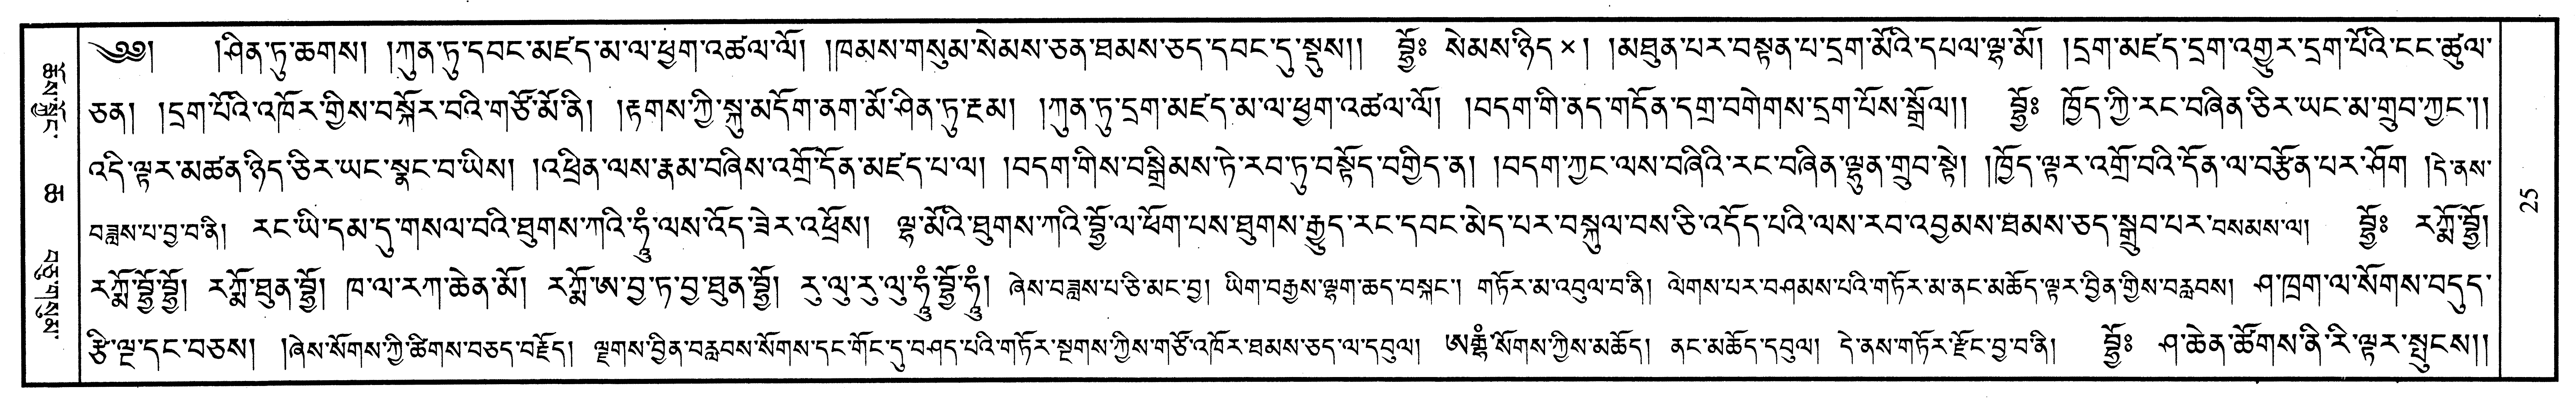༄༅། །ཤིན་ཏུ་ཆགས། །ཀུན་ཏུ་དབང་མཛད་མ་ལ་ཕྱག་འཚལ་ལོ། །ཁམས་གསུམ་སེམས་ཅན་ཐམས་ཅད་དབང་དུ་སྡུས།། བྷྱོཿ སེམས་ཉིད་྾། །མཐུན་པར་བསྟན་པ་དྲག་མོའི་དཔལ་ལྷ་མོ། །དྲག་མཛད་དྲག་འགྱུར་དྲག་པོའི་ངང་ཚུལ་
ཅན། །དྲག་པོའི་འཁོར་གྱིས་བསྐོར་བའི་གཙོ་མོ་ནི། །རྟགས་ཀྱི་སྐུ་མདོག་ནག་མོ་ཤིན་ཏུ་རྔམ། །ཀུན་ཏུ་དྲག་མཛད་མ་ལ་ཕྱག་འཚལ་ལོ། །བདག་གི་ནད་གདོན་དགྲ་བགེགས་དྲག་པོས་སྒྲོལ།། བྷྱོཿ ཁྱོད་ཀྱི་རང་བཞིན་ཅིར་ཡང་མ་གྲུབ་ཀྱང།།
འདི་ལྟར་མཚན་ཉིད་ཅིར་ཡང་སྣང་བ་ཡིས། །འཕྲིན་ལས་རྣམ་བཞིས་འགྲོ་དོན་མཛད་པ་ལ། །བདག་གིས་བསྒྲིམས་ཏེ་རབ་ཏུ་བསྟོད་བགྱིད་ན། །བདག་ཀྱང་ལས་བཞིའི་རང་བཞིན་ལྷུན་གྲུབ་སྟེ། །ཁྱོད་ལྟར་འགྲོ་བའི་དོན་ལ་བརྩོན་པར་ཤོག །དེ་ནས་
བཟླས་པ་བྱ་བ་ནི། རང་ཡི་དམ་དུ་གསལ་བའི་ཐུགས་ཀའི་ཧཱུཾ་ལས་འོད་ཟེར་འཕྲོས། །ལྷ་མོའི་ཐུགས་ཀའི་བྷྱོ་ལ་ཕོག་པས་ཐུགས་རྒྱུད་རང་དབང་མེད་པར་བསྐུལ་བས་ཅི་འདོད་པའི་ལས་རབ་འབྱམས་ཐམས་ཅད་སྒྲུབ་པར་བསམས་ལ། བྷྱོཿ རཀྨོ་བྷྱོ།
རཀྨོ་བྷྱོ་བྷྱོ། རཀྨོ་ཐུན་བྷྱོ། ཁ་ལ་རཀ་ཆེན་མོ། །རཀྨོ་ཨ་བྱ་ཏ་བྱ་ཐུན་བྷྱོ། རུ་ལུ་རུ་ལུ་ཧཱུཾ་བྷྱོ་ཧཱུཾ། ཞེས་བཟླས་པ་ཅི་མང་བྱ། །ཡིག་བརྒྱས་ལྷག་ཆད་བསྐང་། གཏོར་མ་འབུལ་བ་ནི། ལེགས་པར་བཤམས་པའི་གཏོར་མ་ནང་མཆོད་ལྟར་བྱིན་གྱིས་བརླབས། ཤ་ཁྲག་ལ་སོགས་བདུད་
རྩི་ལྔ་དང་བཅས། །ཞེས་སོགས་ཀྱི་ཚིགས་བཅད་བརྗོད། ལྗགས་བྱིན་བརླབས་སོགས་དང་གོང་དུ་བཤད་པའི་གཏོར་སྔགས་ཀྱིས་གཙོ་འཁོར་ཐམས་ཅད་ལ་དབུལ། །ཨརྒྷཾ་སོགས་ཀྱིས་མཆོད། ནང་མཆོད་དབུལ། དེ་ནས་གཏོར་རྫོང་བྱ་བ་ནི། བྷྱོཿ ཤ་ཆེན་ཚོགས་ནི་རི་ལྟར་སྤུངས།།